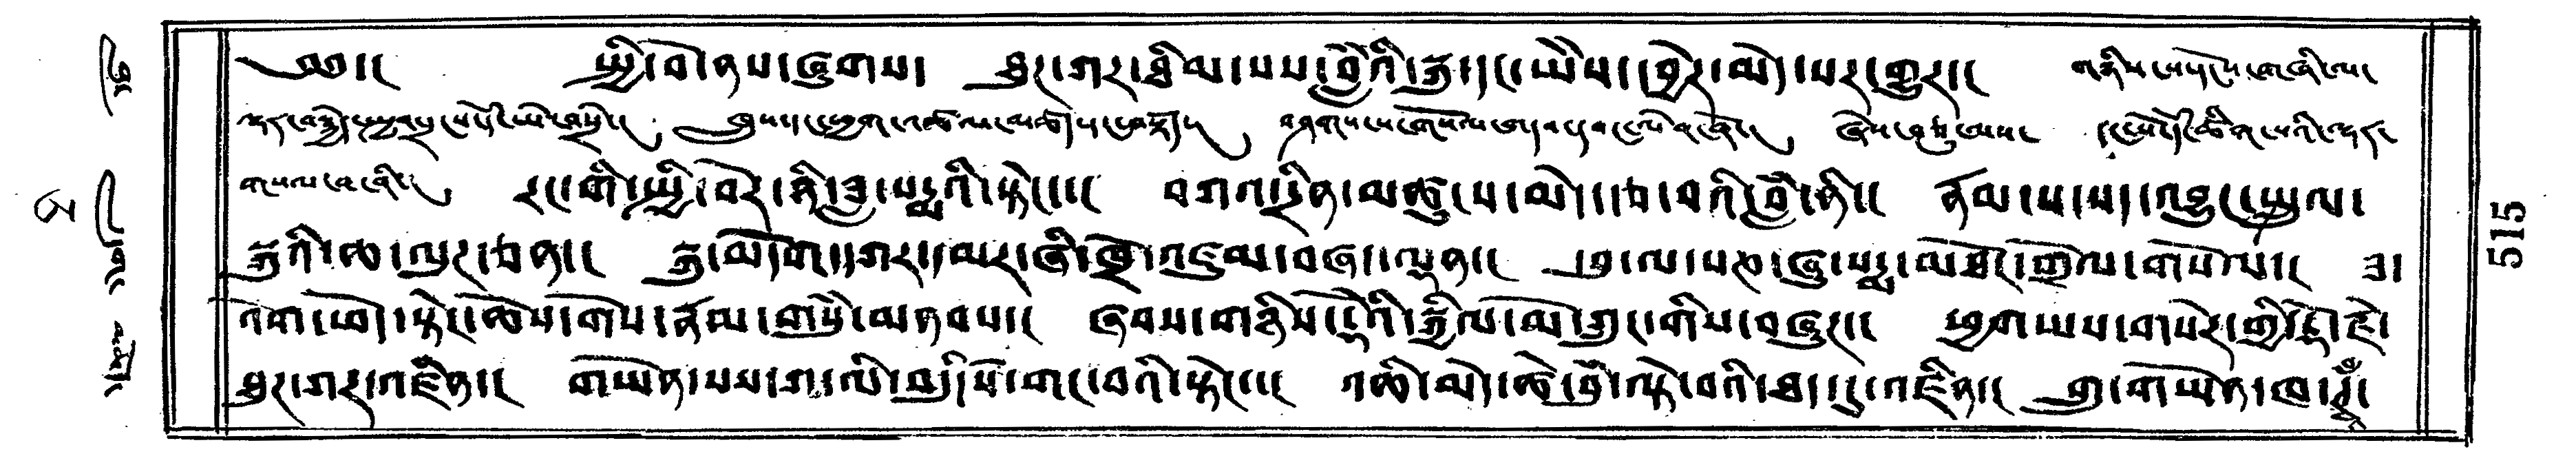སྤྱི་བོ་ནས་ཞུགས། ཐུགས་ཀར་ཐིམ་པས་བླ་མའི་སྐུ་དང་ཡེ་ཤེས་དབྱེར་མེད་པར་གྱུར། གཉིས་པ་དངོས་གཞི་ལ་
ལྷར་བསྐྱོད་སྤྱན་དྲངས་དམ་ཡེ་བསྲེ། ཁྲུས་དང་ཕྱག་འཚལ་མཆོད་དང་བསྟོད བཤགས་པ་གསོལ་གདབ་དབང་ལེན་ནོ། ཞེས་བཅུ་ལས། དང་པོ་དམ་ཚིག་པའི་ལྷར་
གསལ་བ་ནི། རང་གི་སྤྱི་བོར་ཉི་ཟླ་པདྨའི་སྟེང་། །བཀའ་དྲིན་མཚུངས་མེད་རྩ་བའི་བླ་མ་ནི། །རྣམ་པ་པད་འབྱུང་སྤྲུལ་
སྐུའི་ཆ་ལུགས་ཅན། །སྐུ་མདོག་དཀར་དམར་ཞི་ཁྲོ་འཛུམ་བཞད་ལྡན། །དབུ་ལ་པཎ་ཞུ་པདྨ་མཐོང་གྲོལ་གསོལ། །ཟ་
འོག་ཕོད་སྟེང་ཆོས་གོས་རྣམ་གསུམ་མནབས། །ཞབས་གཉིས་རྡོ་རྗེའི་སྐྱིལ་མོ་ཀྲུང་གིས་བཞུགས། །ཕྱག་གཡས་གསེར་གྱི་རྡོ་རྗེ་
ཐུགས་ཀར་འཛིན། །གཡོན་པས་ཀ་ལི་བདུད་རྩིས་གང་བའི་སྟེང་། །འཆི་མེད་ཚེ་བུམ་ལྟེ་བའི་ཐད་དུ་འཛིན། །གྲུ་གཡོན་ཁ་ཊྭྃ་